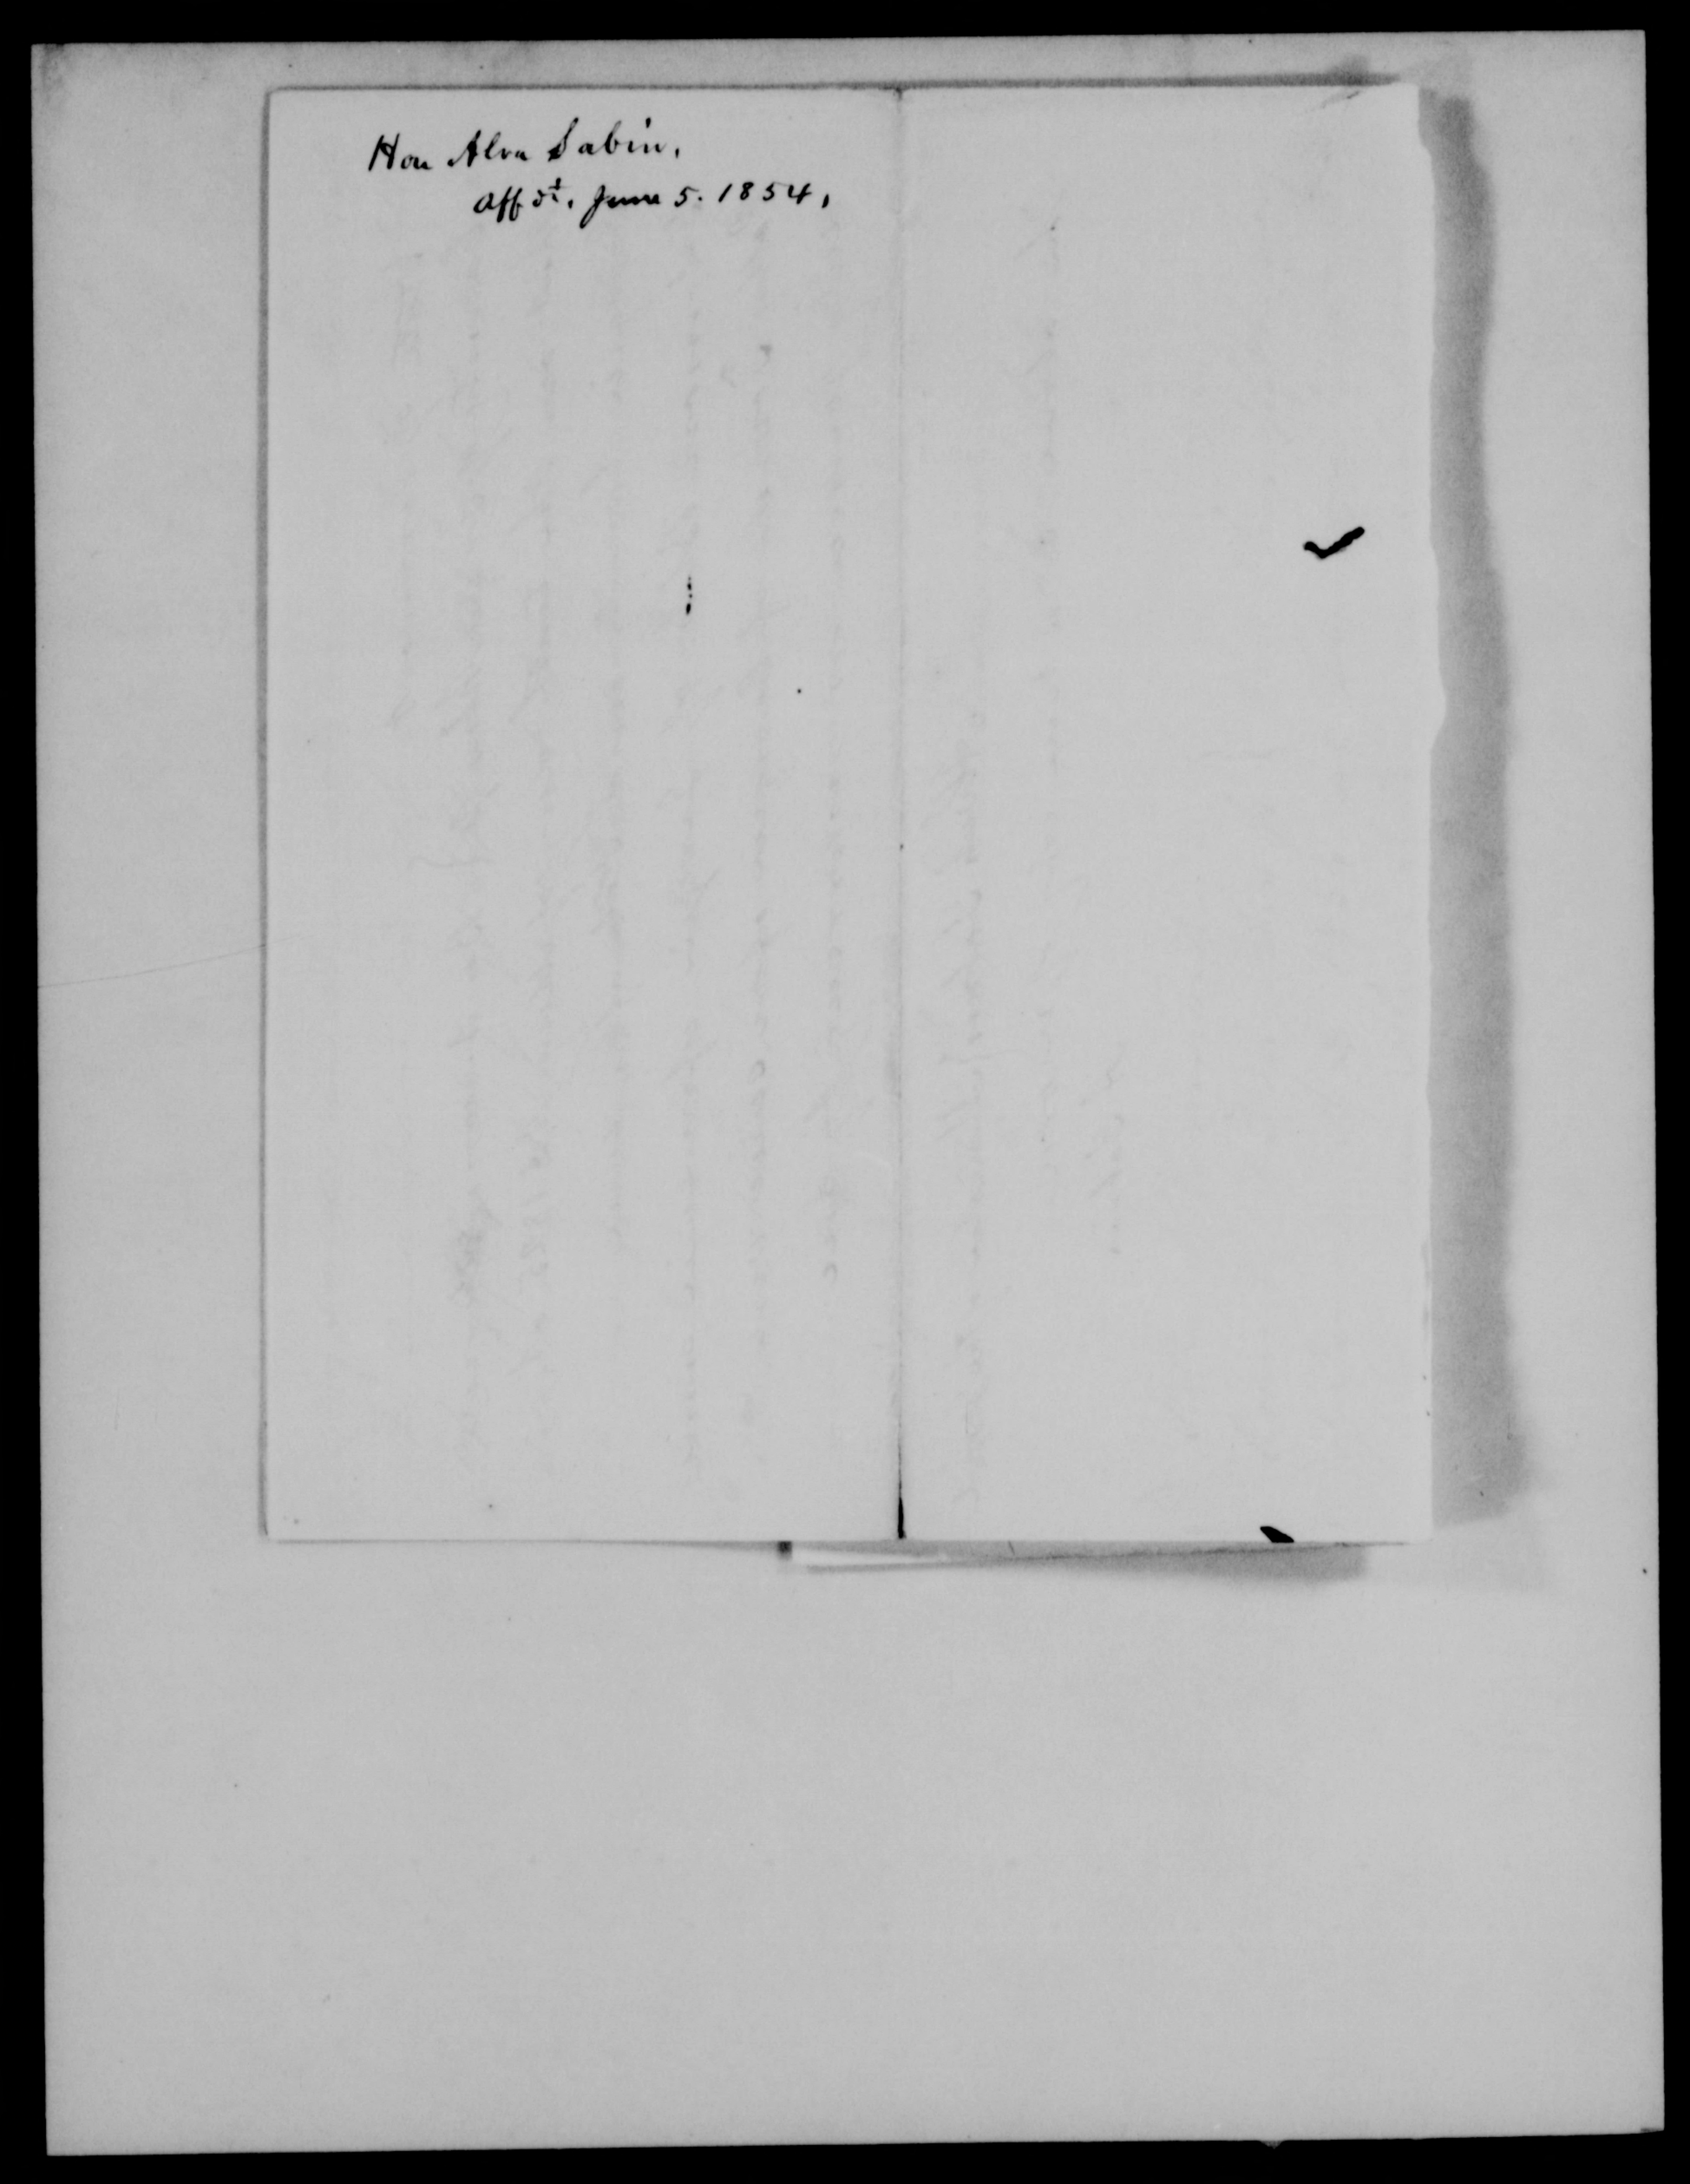Hon. Alva Sabin
Affdt. June 5 1854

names: Alva Sabin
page: 9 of 64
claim: widow's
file: W. 5831, Edmund Town, Mass.